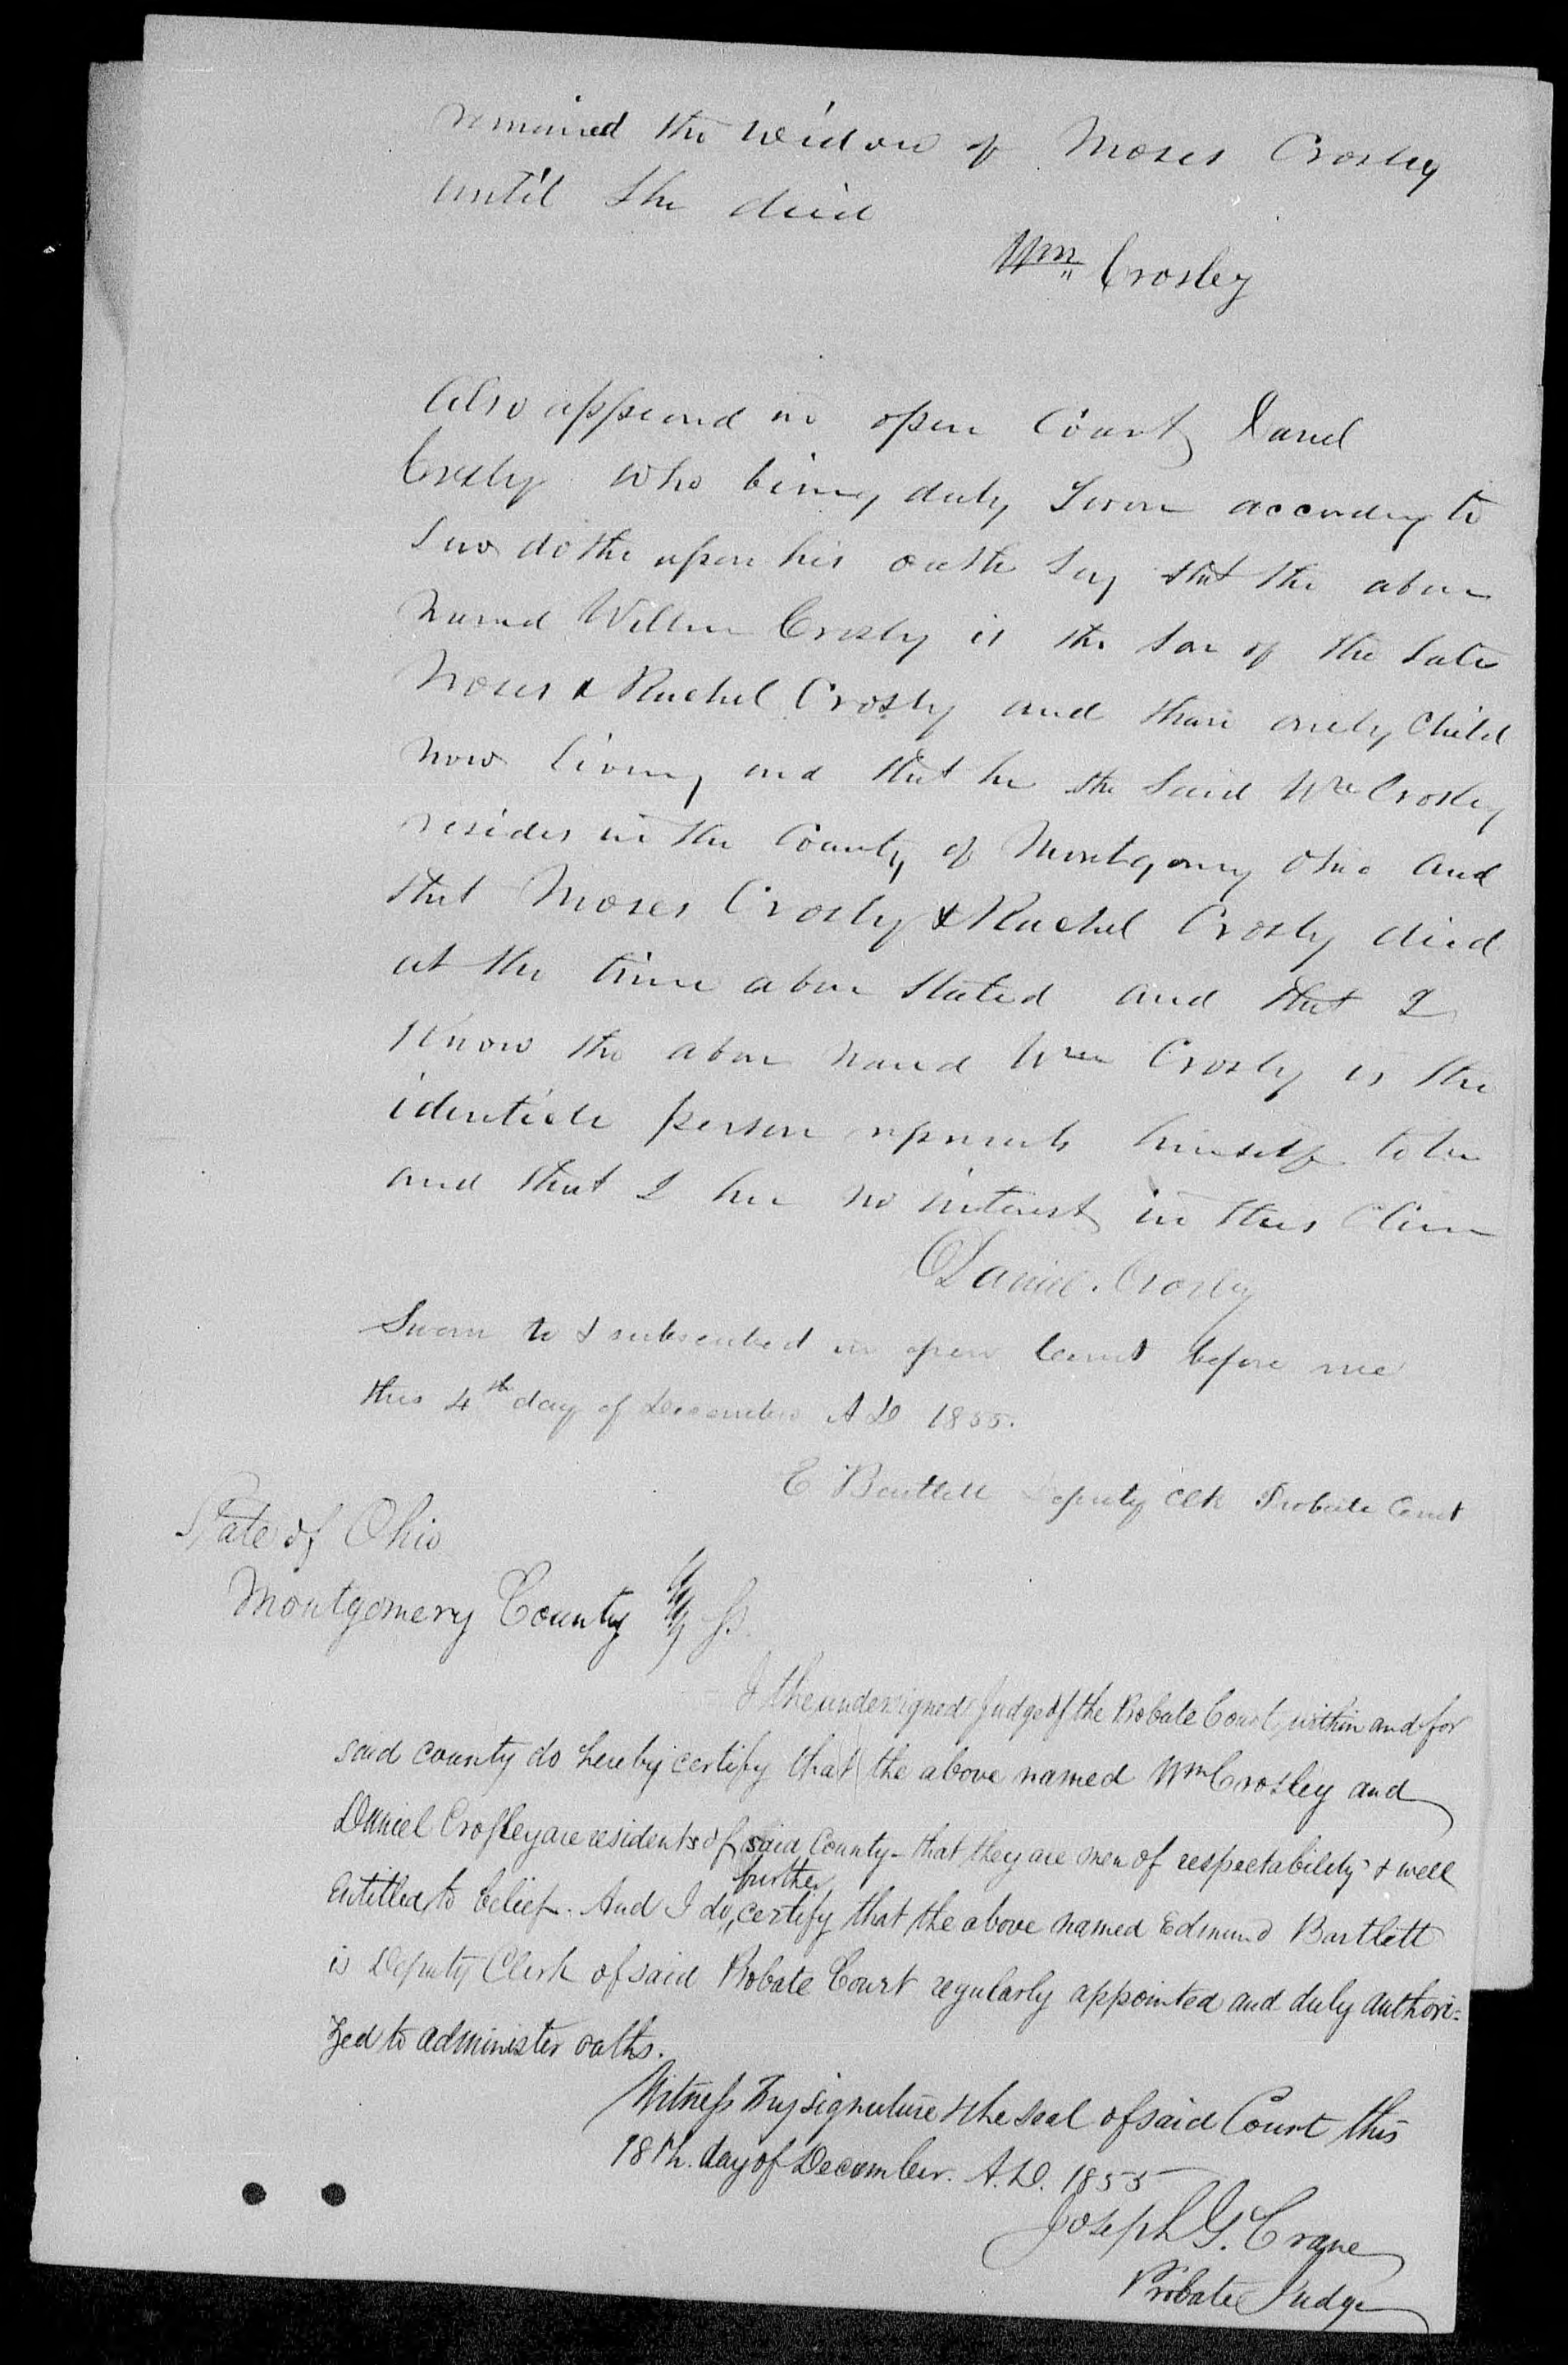remained the widow of Moses Crosly until she died.
Wm Crosly
Also appeared in open court land Saml Crosly who being duly sworn according to law dothe upon his oath say that the above named William Crosly is the son of the late Moses and Rachel Crosly and their only child now lining and that he the said Wm Crosly resides in the county of Montgomery Ohio and that Moses Crosly and Rachel Crosly died at the time above stated and that I know the above named Wm Crosly is the identical person represents himself to be and that I have no interest in this claim. 
Daniel Crosly
Sworn to subscribed in open court before me this 4th day of December AD 1855.
E Bartlett Deputy Clerk Probate Court 
State of Ohio
Montgomery County
I the undersigned Judge of the Probate Court within and for the said county do hereby certify that the above named Wm Crosley and Daniel Crosley are residents of said County- that they are men of of respectability and well entitled to belief.  And I do further certify that the above named Edmund Bartlett is Deputy Clerk of said Probate Court regularly appointed and duly authorized to administer oaths. 
Witness my signature and the seal of said Court this 18tg day of December AD 1855
Joseph G Crane 
Probate Judge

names: Wm Crosly, Willm Crosly, Wm Crosley, Saml Crosly, Wm Crosley, Daniel Crosley, Rachel Crosly, Moses Crosly, Daniel Crosley, Wm Crosley, Rachel Crosly, Joseph G Crane, Edmund Bartlett, Moses Crosley, E Bartlett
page: 15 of 37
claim: rejected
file: R. 2516, Moses Crosley, Md.